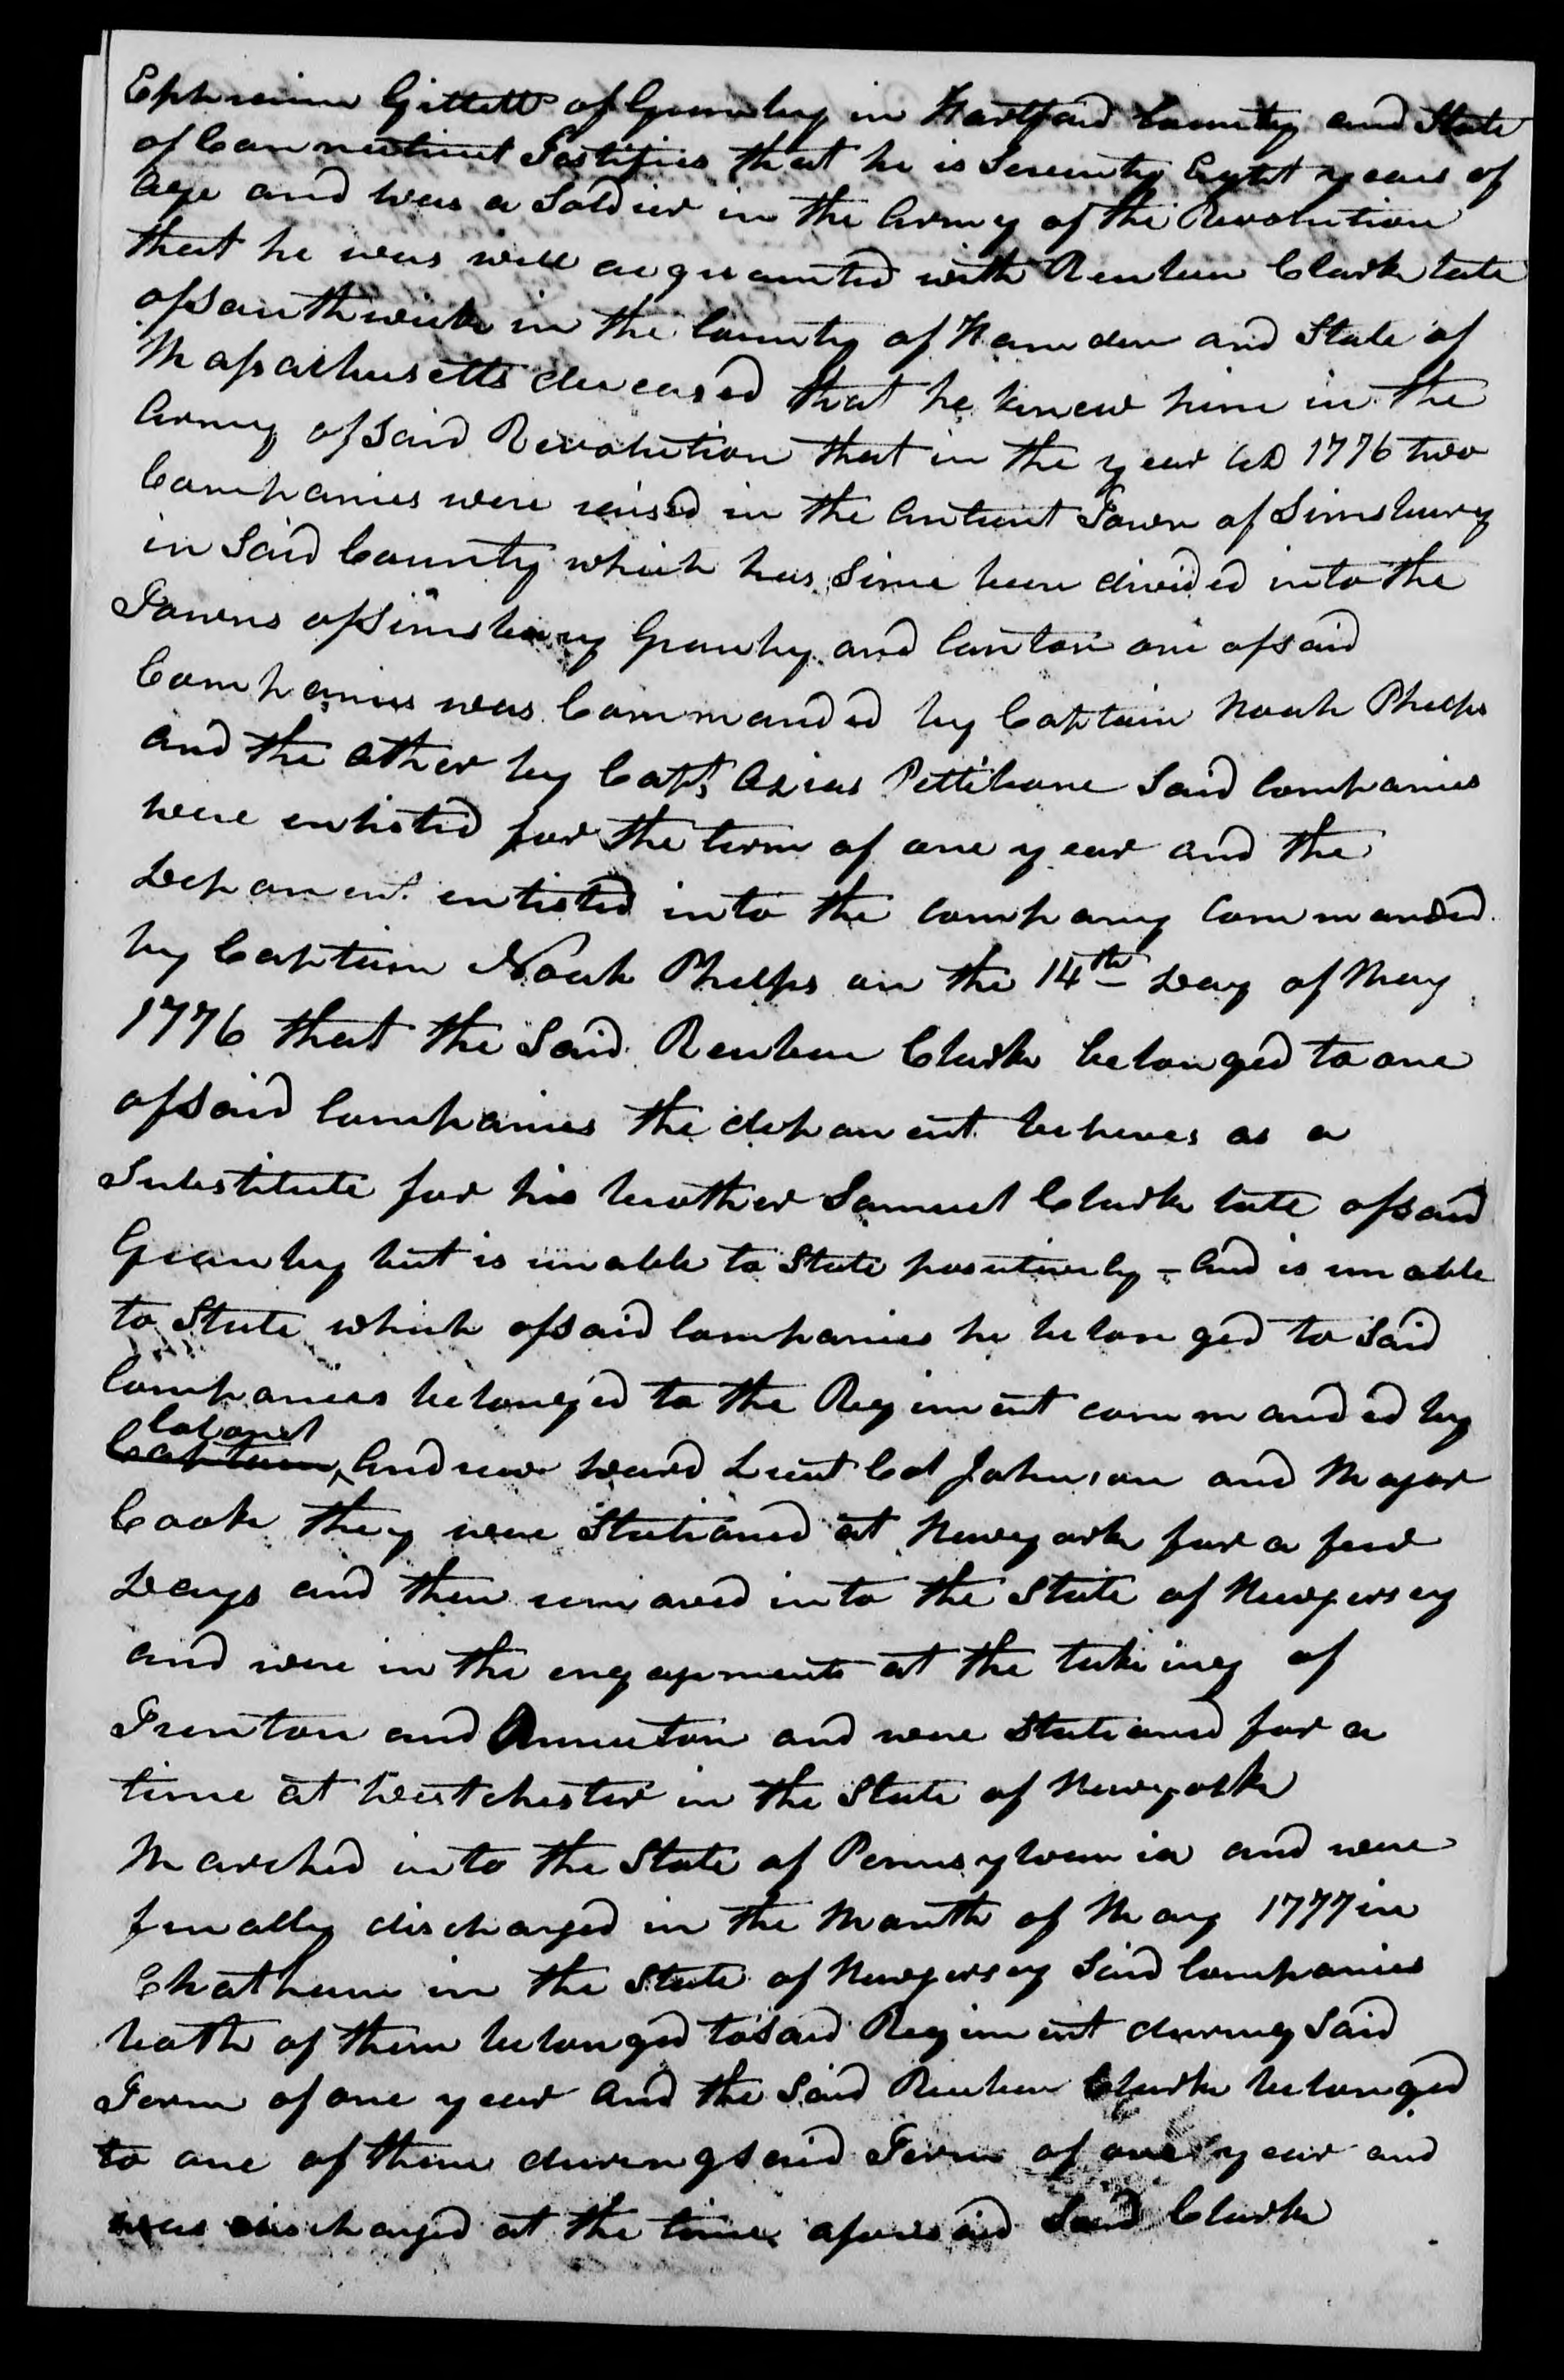[handwritten]
Ephraim Gillett of Granby in Hartford County and State of Connecticut Testifies that he is Seventy Eight years of Age and was a Soldier in the Army of the Revolution  that he was well acquainted with Reuben Clark late of Southwick in the County of Hamden and Sgate of Massachusetts deceased  that he knew him in the Army of Said Revolution that in the year AD 1776 tow Companies were raised in the [illegible] town of Simsburg in Said County which has Since been divided into the Towns of Simsburg Granby and Canton  one of Said Companies was Commanded by Captain Noah Phelps and the other by Capt. Osias Pettibone  Said Companies were enlisted for the term of one year and the Deponent enlisted into the Company Commanded by Captain Noah Phelps on the 14th Day of May 1776  that the Said Reuben Clark belonged to one of Said Companies the deponent believes as a Substitute for his brother Samuel Clark late of Said Granby but is unable to State positively – And is unable to State which of Said Companies he belonged to  Said Companies belonged to the Regiment commanded by Colonel Andrew Ward Lieut Col Johnson and Major Cook  they were Stationed at New York for a few Days and there removed into the State of New Jersey and were in the engagements at the take in of Trenton and Anniston and were Stationed for a time at Westchester in the State of New York  Marched into the State of Pennsylvania and were finally discharged in the Month of May 1777 in Chatham in the State of New Jersey  Said Companies both of them belonged to Said Regiment during Said Term of one year and the Said Reuben Clark belonged to one of them during Said Term of one year and was discharged at the time aforesaid  Said Clark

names: Cook, Noah Phelps, Clark, Reuben Clark, Reuben Clark, Andrew Ward, Osias Pettibone, Ephraim Gillett, Samuel Clark, Noah Phelps, Reuben Clark, Johnson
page: 24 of 26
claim: widow's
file: W. 14483, Reuben Clark, Conn.